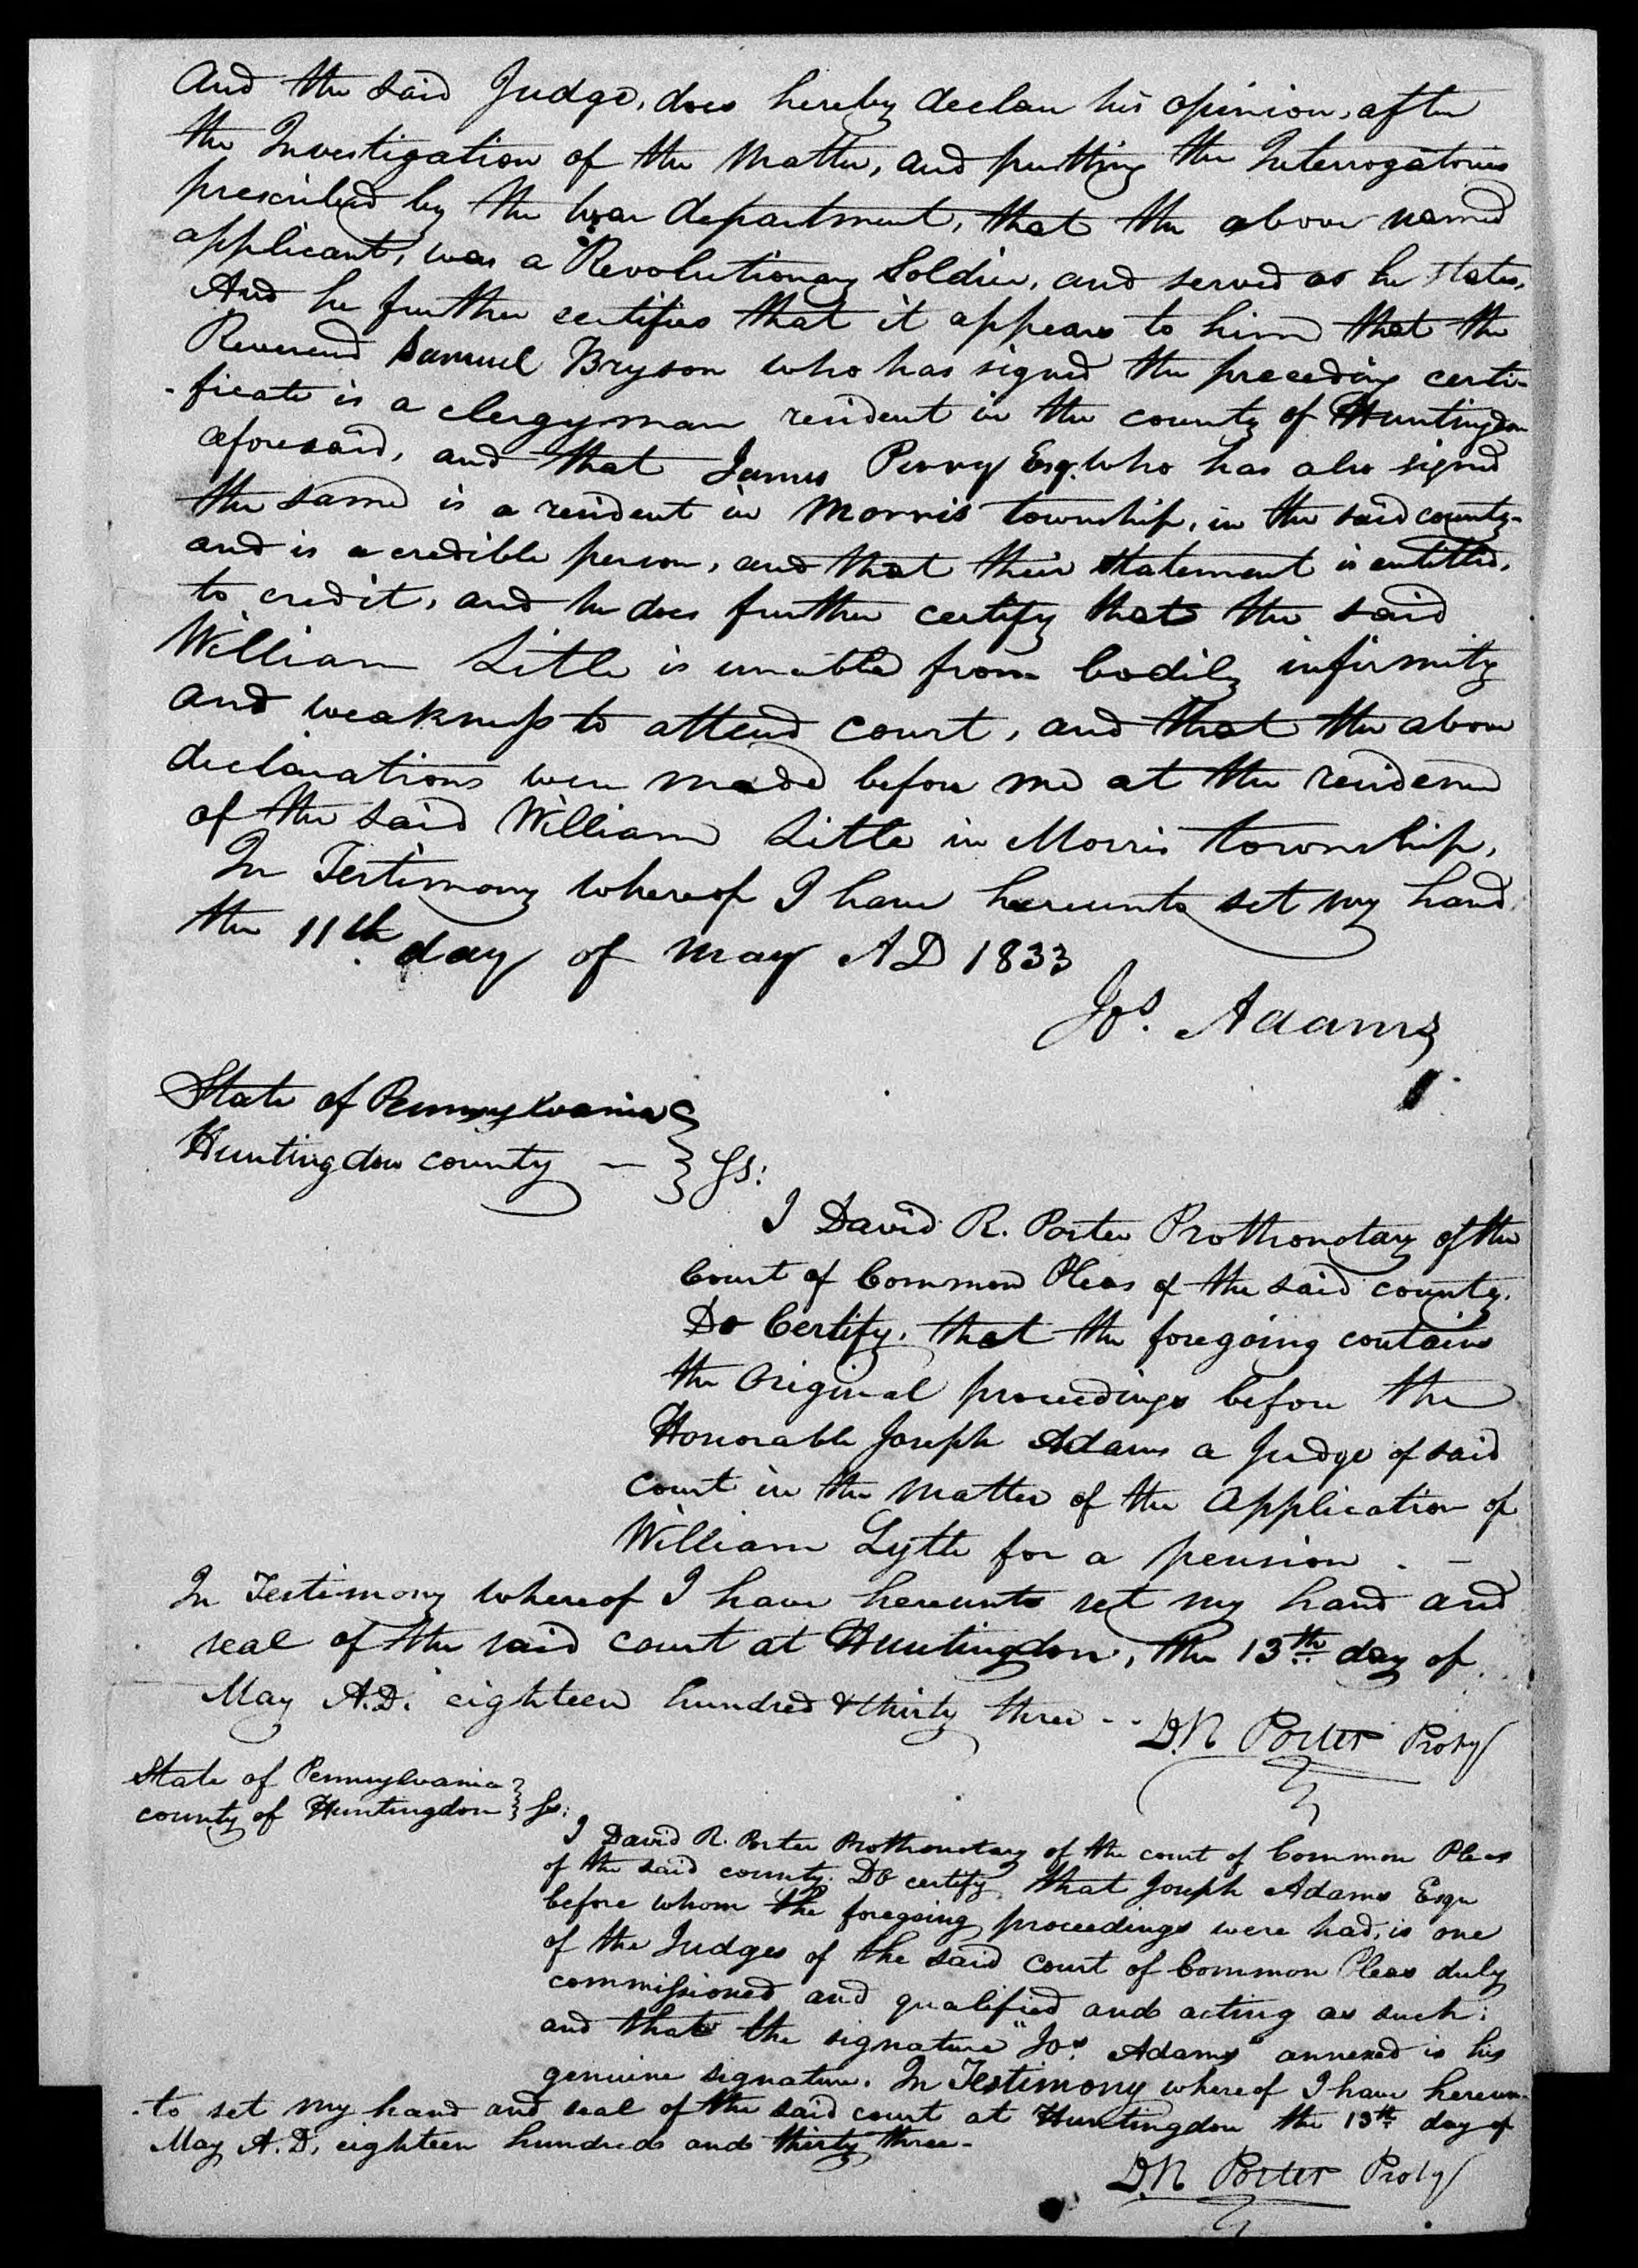And the said Judge does hereby declare his opinion, after the Investigation of the matter, and putting the Interrogatories prescribed by the war department, that the above named
applicant was a Revolutionary Soldier, and served as he states, And he further certifies that it appears to him that the Reverend
Samuel Bryson who has signed the preceding certificate is a clergyman resident in the County of Huntingdon aforesaid, and that James Perry Esq. who has also signed
the same is a resident in Morris township, in the said County and is a credible person, and that their statement is entitled to credit, and he does further certify that the said
William Litle [Lytle] is unable from bodily
infirmity and weakness to attend Court, and that the above declarations were made before me at the residence of the said William Litle [Lytle] in Morris township.
In Testimony whereof I have hereunto set my
hand the 11th day of May AD 1833
Jos Adams

State of Pennsylvania
Huntingdon County  } ss:

I David R. Porter Prothonotary of the
Court of Common Pleas of the said County
Do Certify, that the foregoing contains
the original proceedings before the
Honorable Joseph Adams a Judge of said
Court in the matter of the application of
William Lytle for a pension.
In Testimony whereof I have hereunto set my hand and seal of the said Court at Huntingdon, the 13th day of May A.D. eighteen hundred & thirty three
D. R. Porter Prot'y

State of Pennsylvania
Huntingdon County  } ss:
I, David R. Porter Prothonotary of the Court of Common Pleas of the said County. Do certify that Joseph Adams Esqr before whom the foregoing proceedings were had, is one of the
Judges of the said Court of Common Pleas duly commissioned and qualified and acting as such; and that the signature "Jos Adams" annexed is his genuine signature. In Testimony whereof I have hereunto set my hand and seal of the said court at Huntingdon the 13th day of May A.D. eighteen hundred and thirty three.
D. R. Porter Prot'y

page: 24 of 24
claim: survivor's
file: S. 13810, for William Lytle, New York